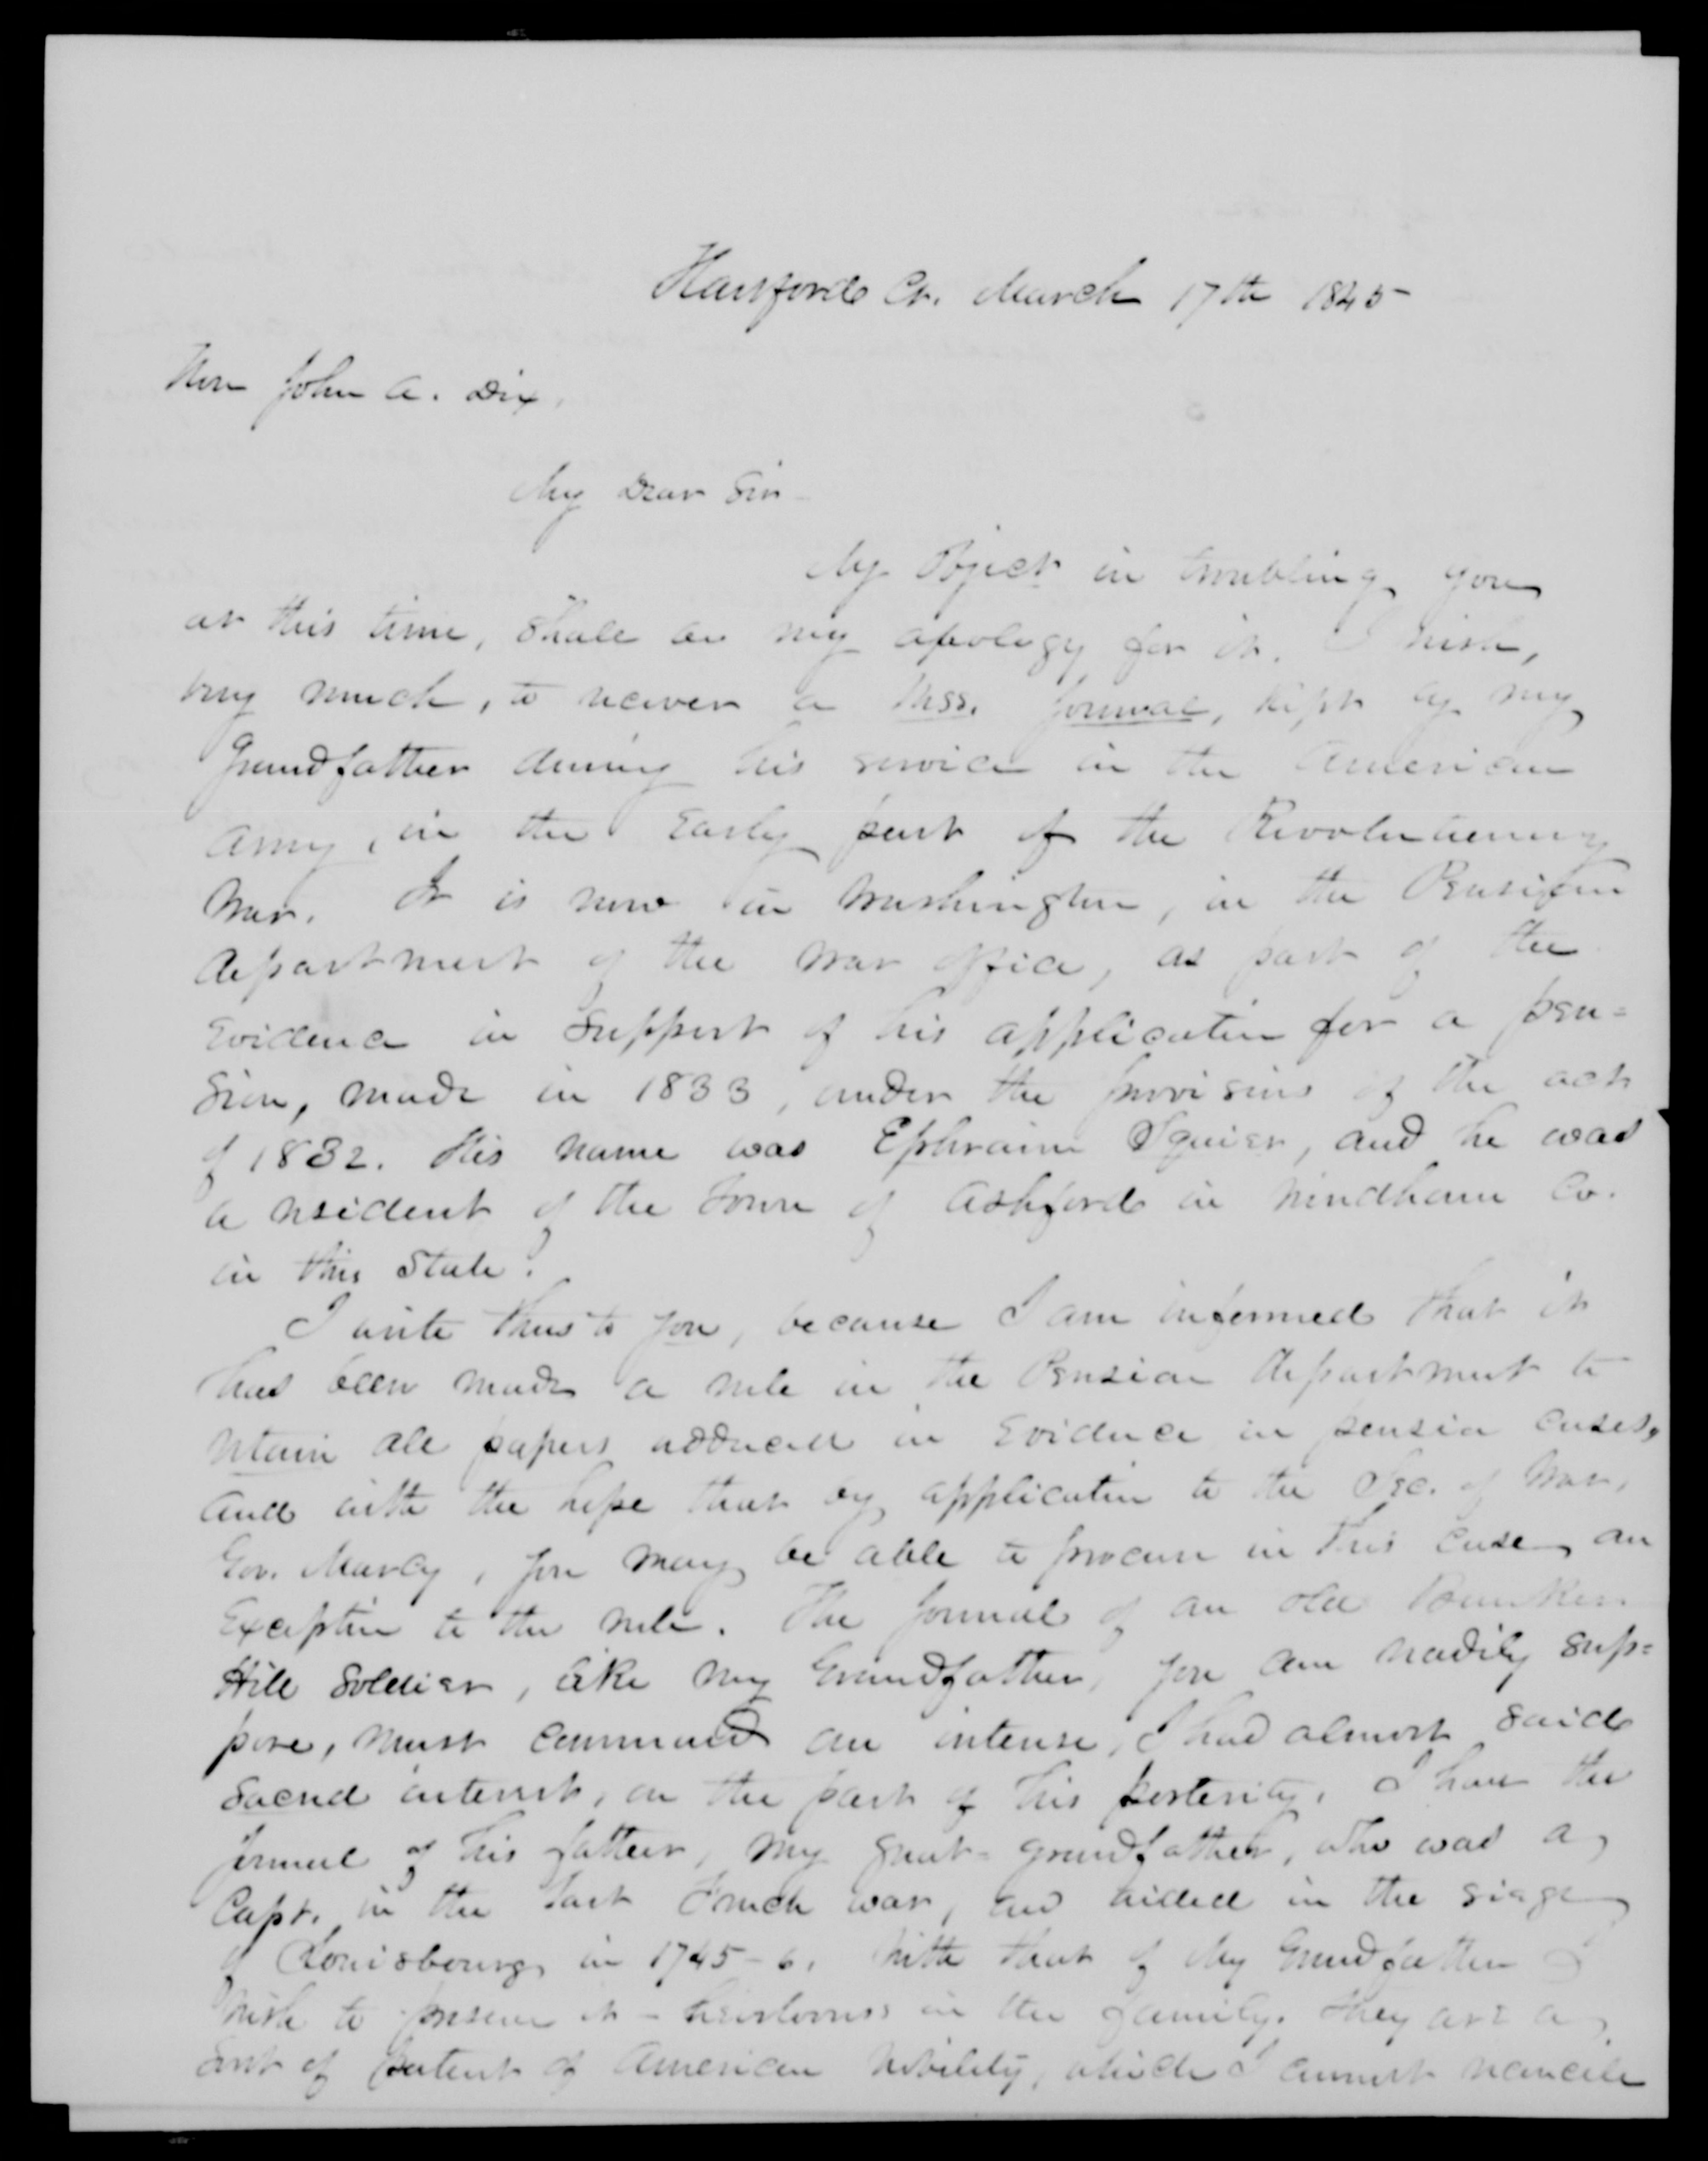Hartford Ct. March 17th 1845

Hon John A Dix, 
by Dear Sir, 

My object in troubling you at this time, shall as my apology for in I think, say much, to never a [illegible] Journal, kept by my grandfather army his service in the American Army, in the early part of the Revolutionary War. It is now in Washington, in the Pension Department of the war office, as part of the evidence in support of his application for a pension, made in 1833, under provisions of the act of 1832. His name was Ephraim Squier, and he was a resident of the Town of Ashford in Windham Co. in the State.
I write this to you, because I am informed that it had been made a rule in the Pension Department to obtain all papers [illegible] in Evidence in pension cases,  and with the hope that by application to the Secretary of War, E. Marcy, you may be able to procur in this case an exception to the rule. The journal of an old Bunker Hill Soldier, like my grandfather, you can readily supposed, must command an intense, I had always said second interval, on the part of his  [illegible] I have the journal of his fatherm my great grandfather, who was a Capt., in the said French war, and [illegible] in the Siege of Louisbourg in 1746-6, with that of my grandfather and make to pension is heirloom, in the family. They are a [illegible] of [illegible] of American [illegible] which I cannot remember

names: Ephraim Squier; John A Dix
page: 59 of 70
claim: rejected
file: R. 10,026, for Ephraim Squier, Connecticut